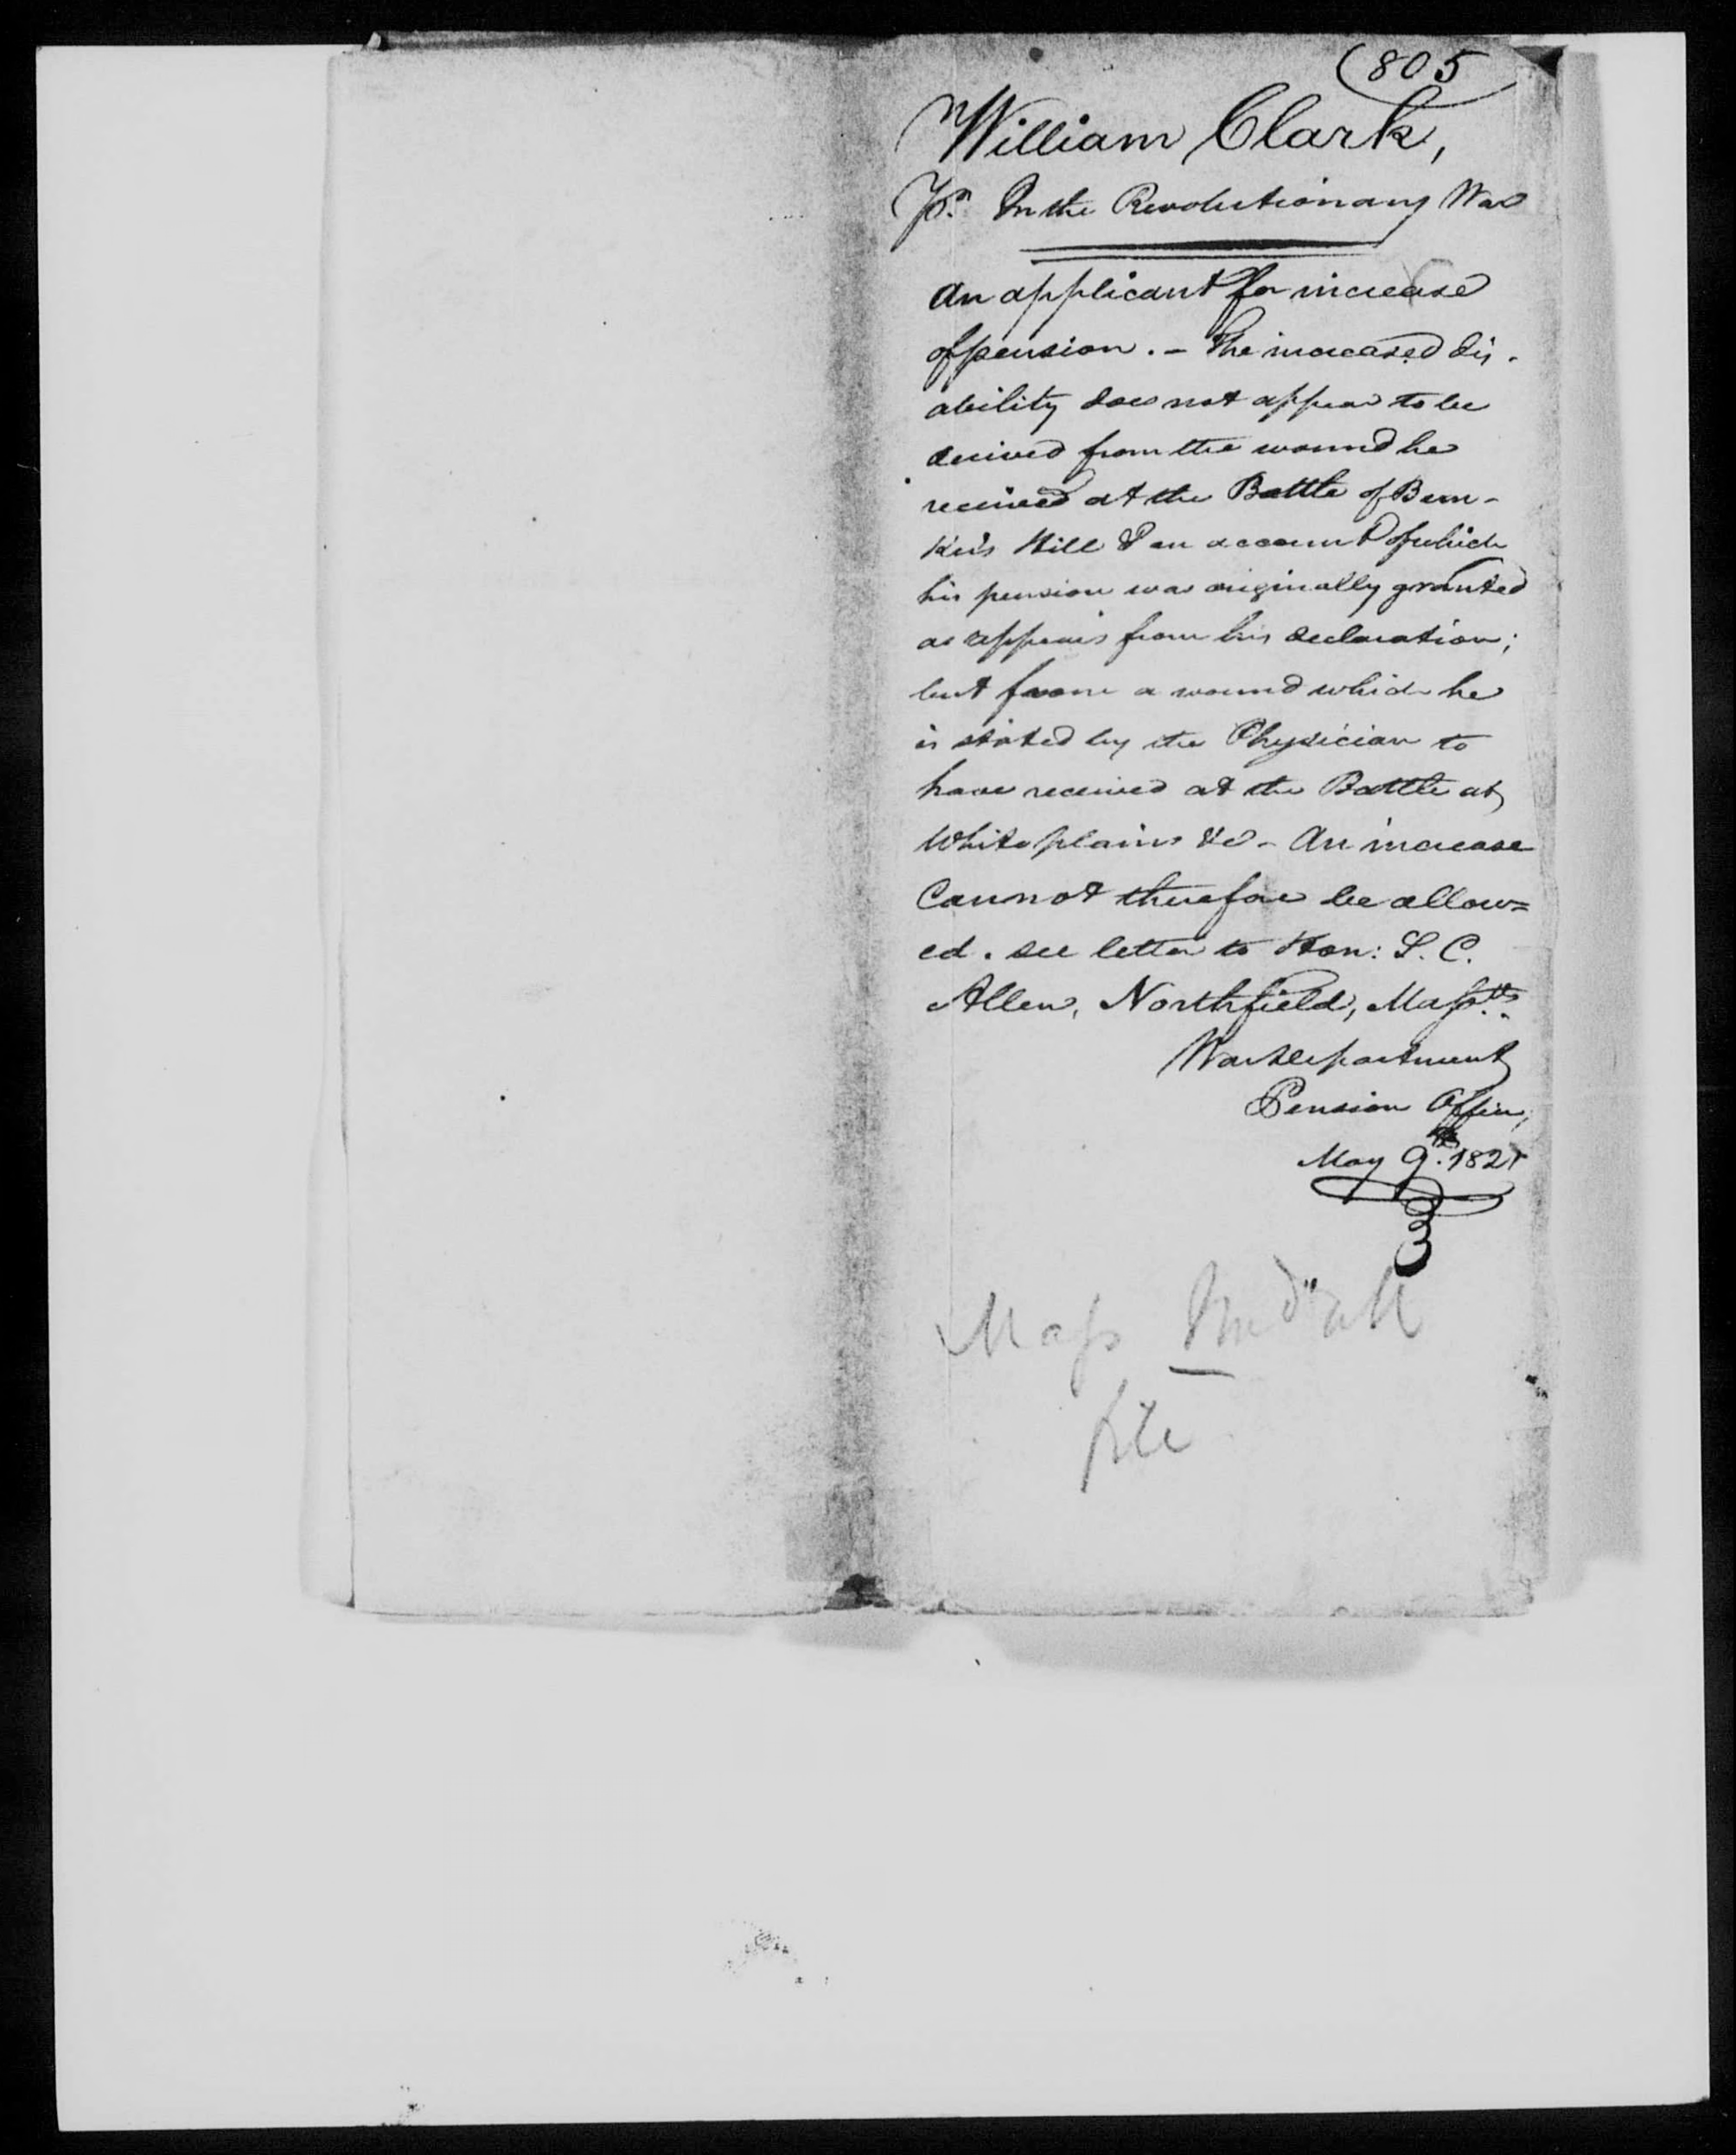805 [circled]
William Clark,
In the Revolutionary War

An applicant for increase
of pension. The [illegible]
disability does not appear to be
derived from the wound he
received at the Battle of Bunker's
Hill & an account of which
his pension was originally granted
as appears from his declaration;
but from a wound which he
is stated by the Physician to
have received at the Battle at
White plains [illegible]. An increase
cannot therefore be allowed. see letter to Hon. S. C.
Allen, Northfield, Masstts
War Department
Pension Office
May 9th 1821
MassMed all file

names: S C Allen, William Clark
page: 6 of 39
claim: widow's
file: W. 20624, David Anderson, Mass